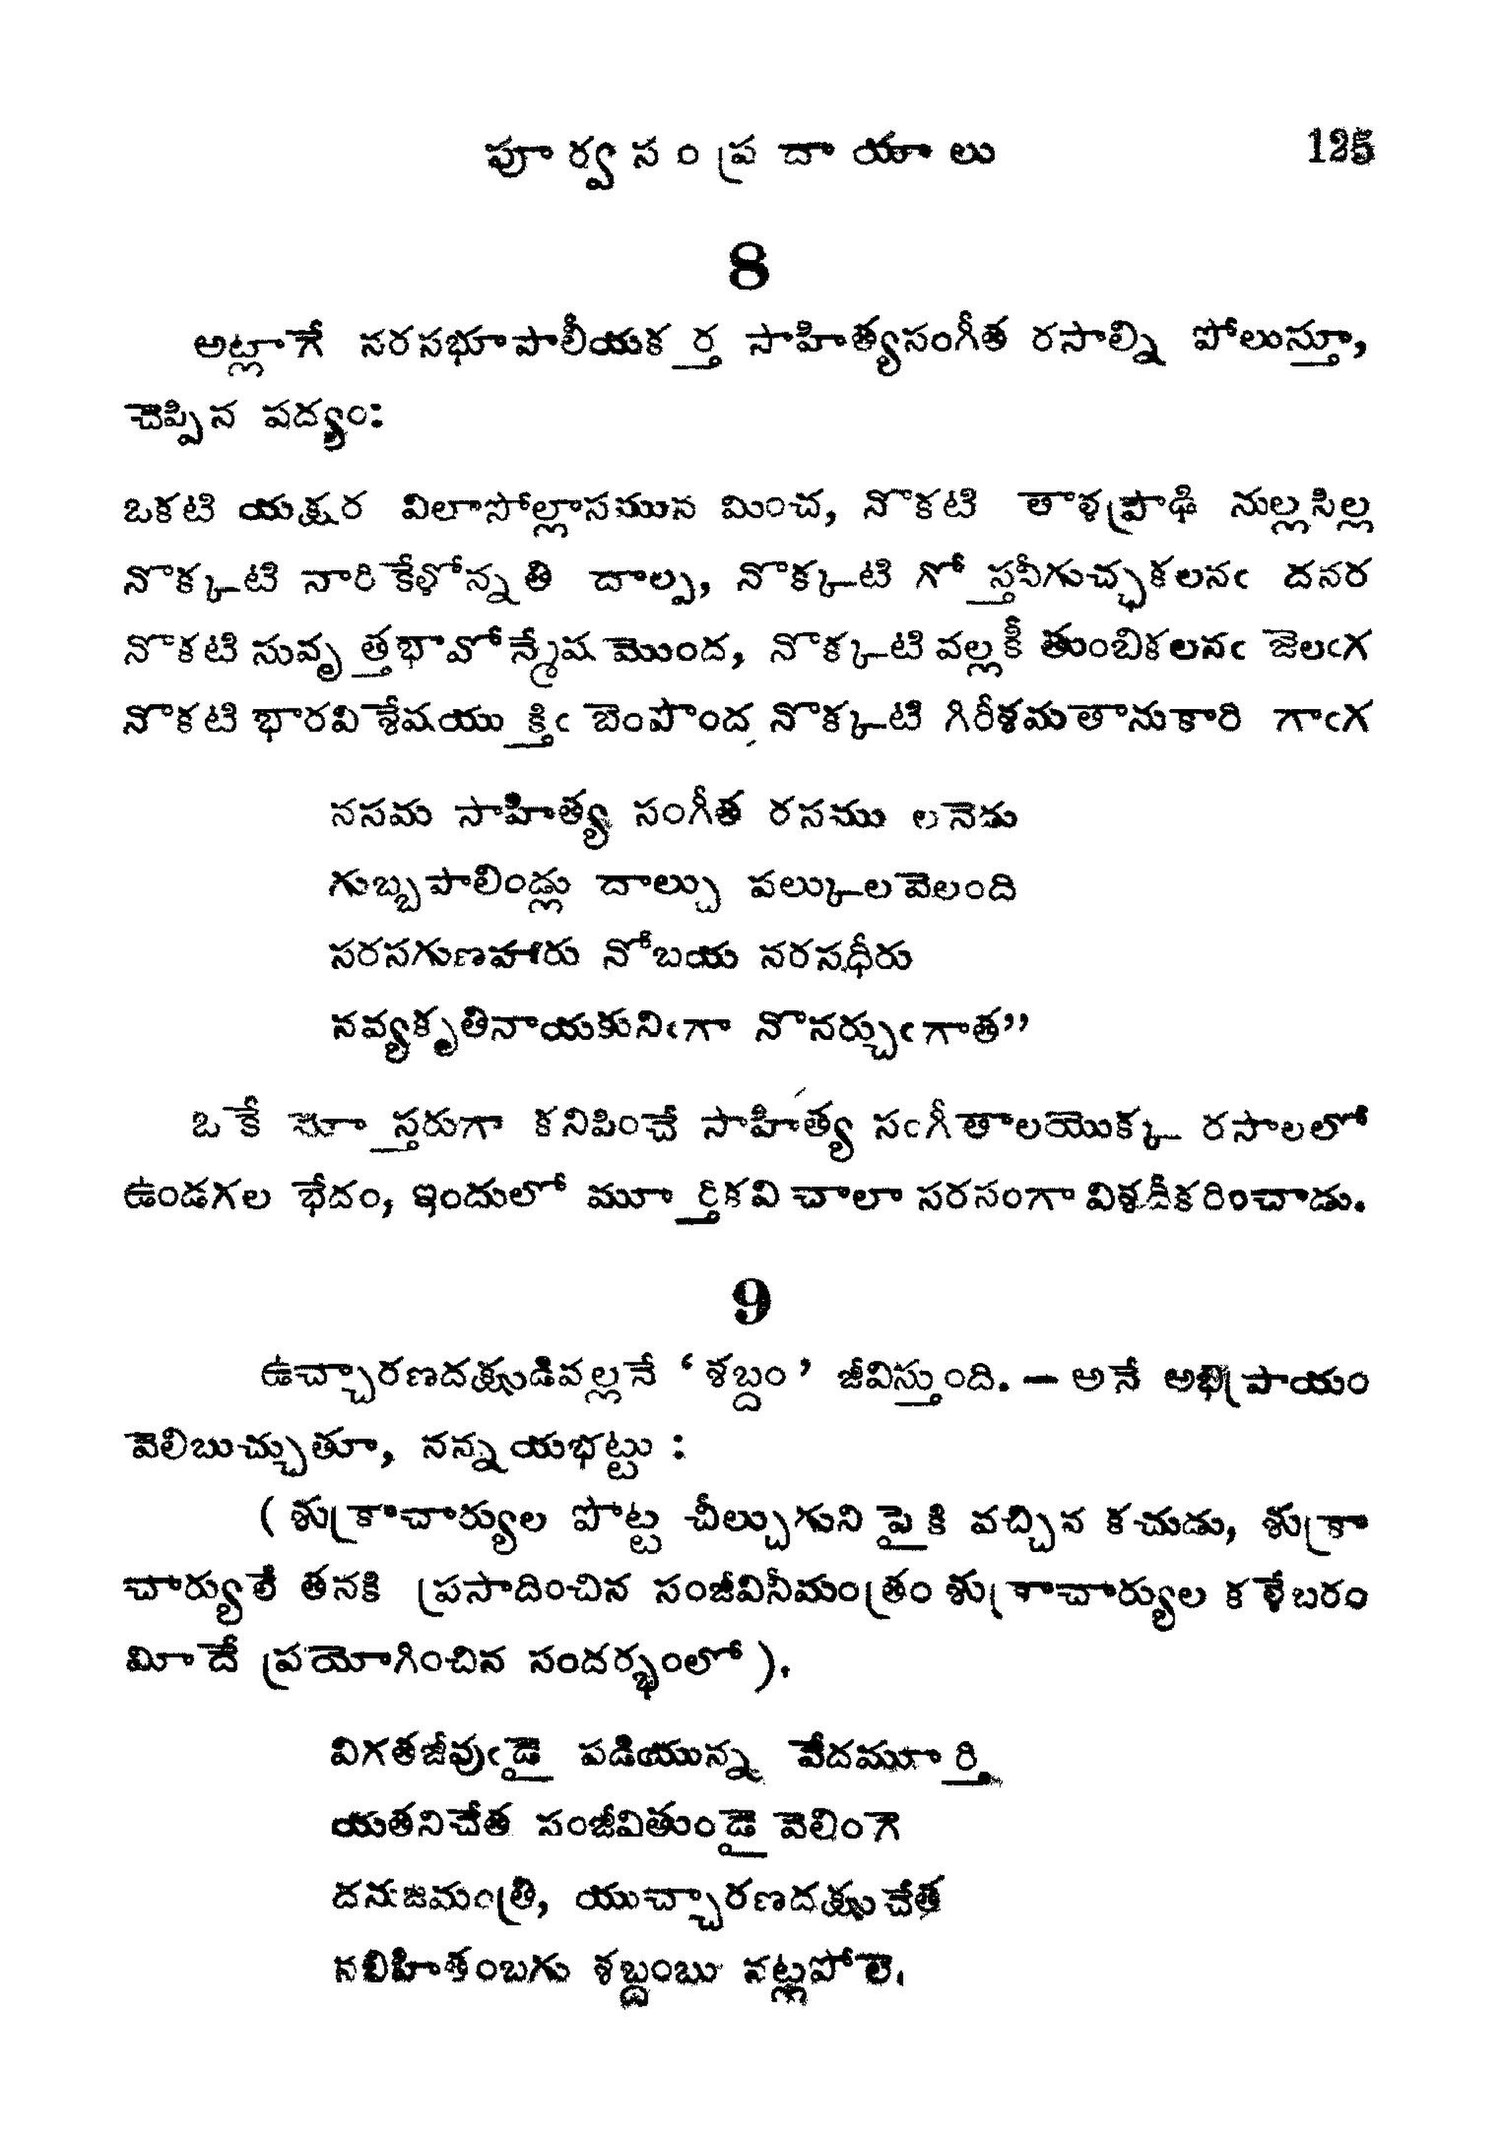8

అట్లాగే నరసభూపాలీయకర్త సాహిత్యసంగీత రసాల్ని పోలుస్తూ,
చెప్పిన పద్యం:

ఒకటి యక్షర విలాసోల్లాసమున మించ, నొకటి తాళప్రౌఢీ నుల్లసిల్ల
నొక్కటి నారికేళోన్నతి దాల్ప, నొక్కటి గోస్తనీగుచ్ఛకలనఁ దనర
నొకటి సువృత్తభావోన్మేష మొంద, నొక్కటి వల్లకీ తుంబికలనఁ జెలఁగ
నొకటి భారవి శేషయుక్తిఁ బెంపొంద నొక్కటి గిరీశమతానుకారి గాఁగ

నసమ సాహిత్య సంగీత రసము లనెడు
గుబ్బపాలిండ్లు దాల్చు పల్కులవెలంది
సరసగుణహారు నోబయ నరసధీరు
నవ్యకృతినాయకునిఁగా నొనర్చుఁగాత”

ఒకే మోస్తరుగా కనిపించే సాహిత్య సంగీతాలయొక్క రసాలలో
ఉండగల భేదం, ఇందులో మూర్తికవి చాలా సరసంగా విశదీకరించాడు.

9

ఉచ్చారణదక్షుడివల్లనే 'శబ్దం' జీవిస్తుంది. – అనే అభిప్రాయం
వెలిబుచ్చుతూ, నన్నయభట్టు :

(శుక్రాచార్యుల పొట్ట చీల్చుకుని పైకి వచ్చిన కచుడు, శుక్రా
చార్యులే తనకి ప్రసాదించిన సంజీవినీమంత్రం శుక్రాచార్యుల కళేబరం
మీదే ప్రయోగించిన సందర్భంలో).

విగతజీవుఁడై పడియున్న వేదమూర్తి
యతనిచేత సంజీవితుండై వెలింగె
దనుజమంత్రి, యుచ్చారణదక్షుచేత
సబిహితంబగు శబ్దంబు నట్లపోలె.